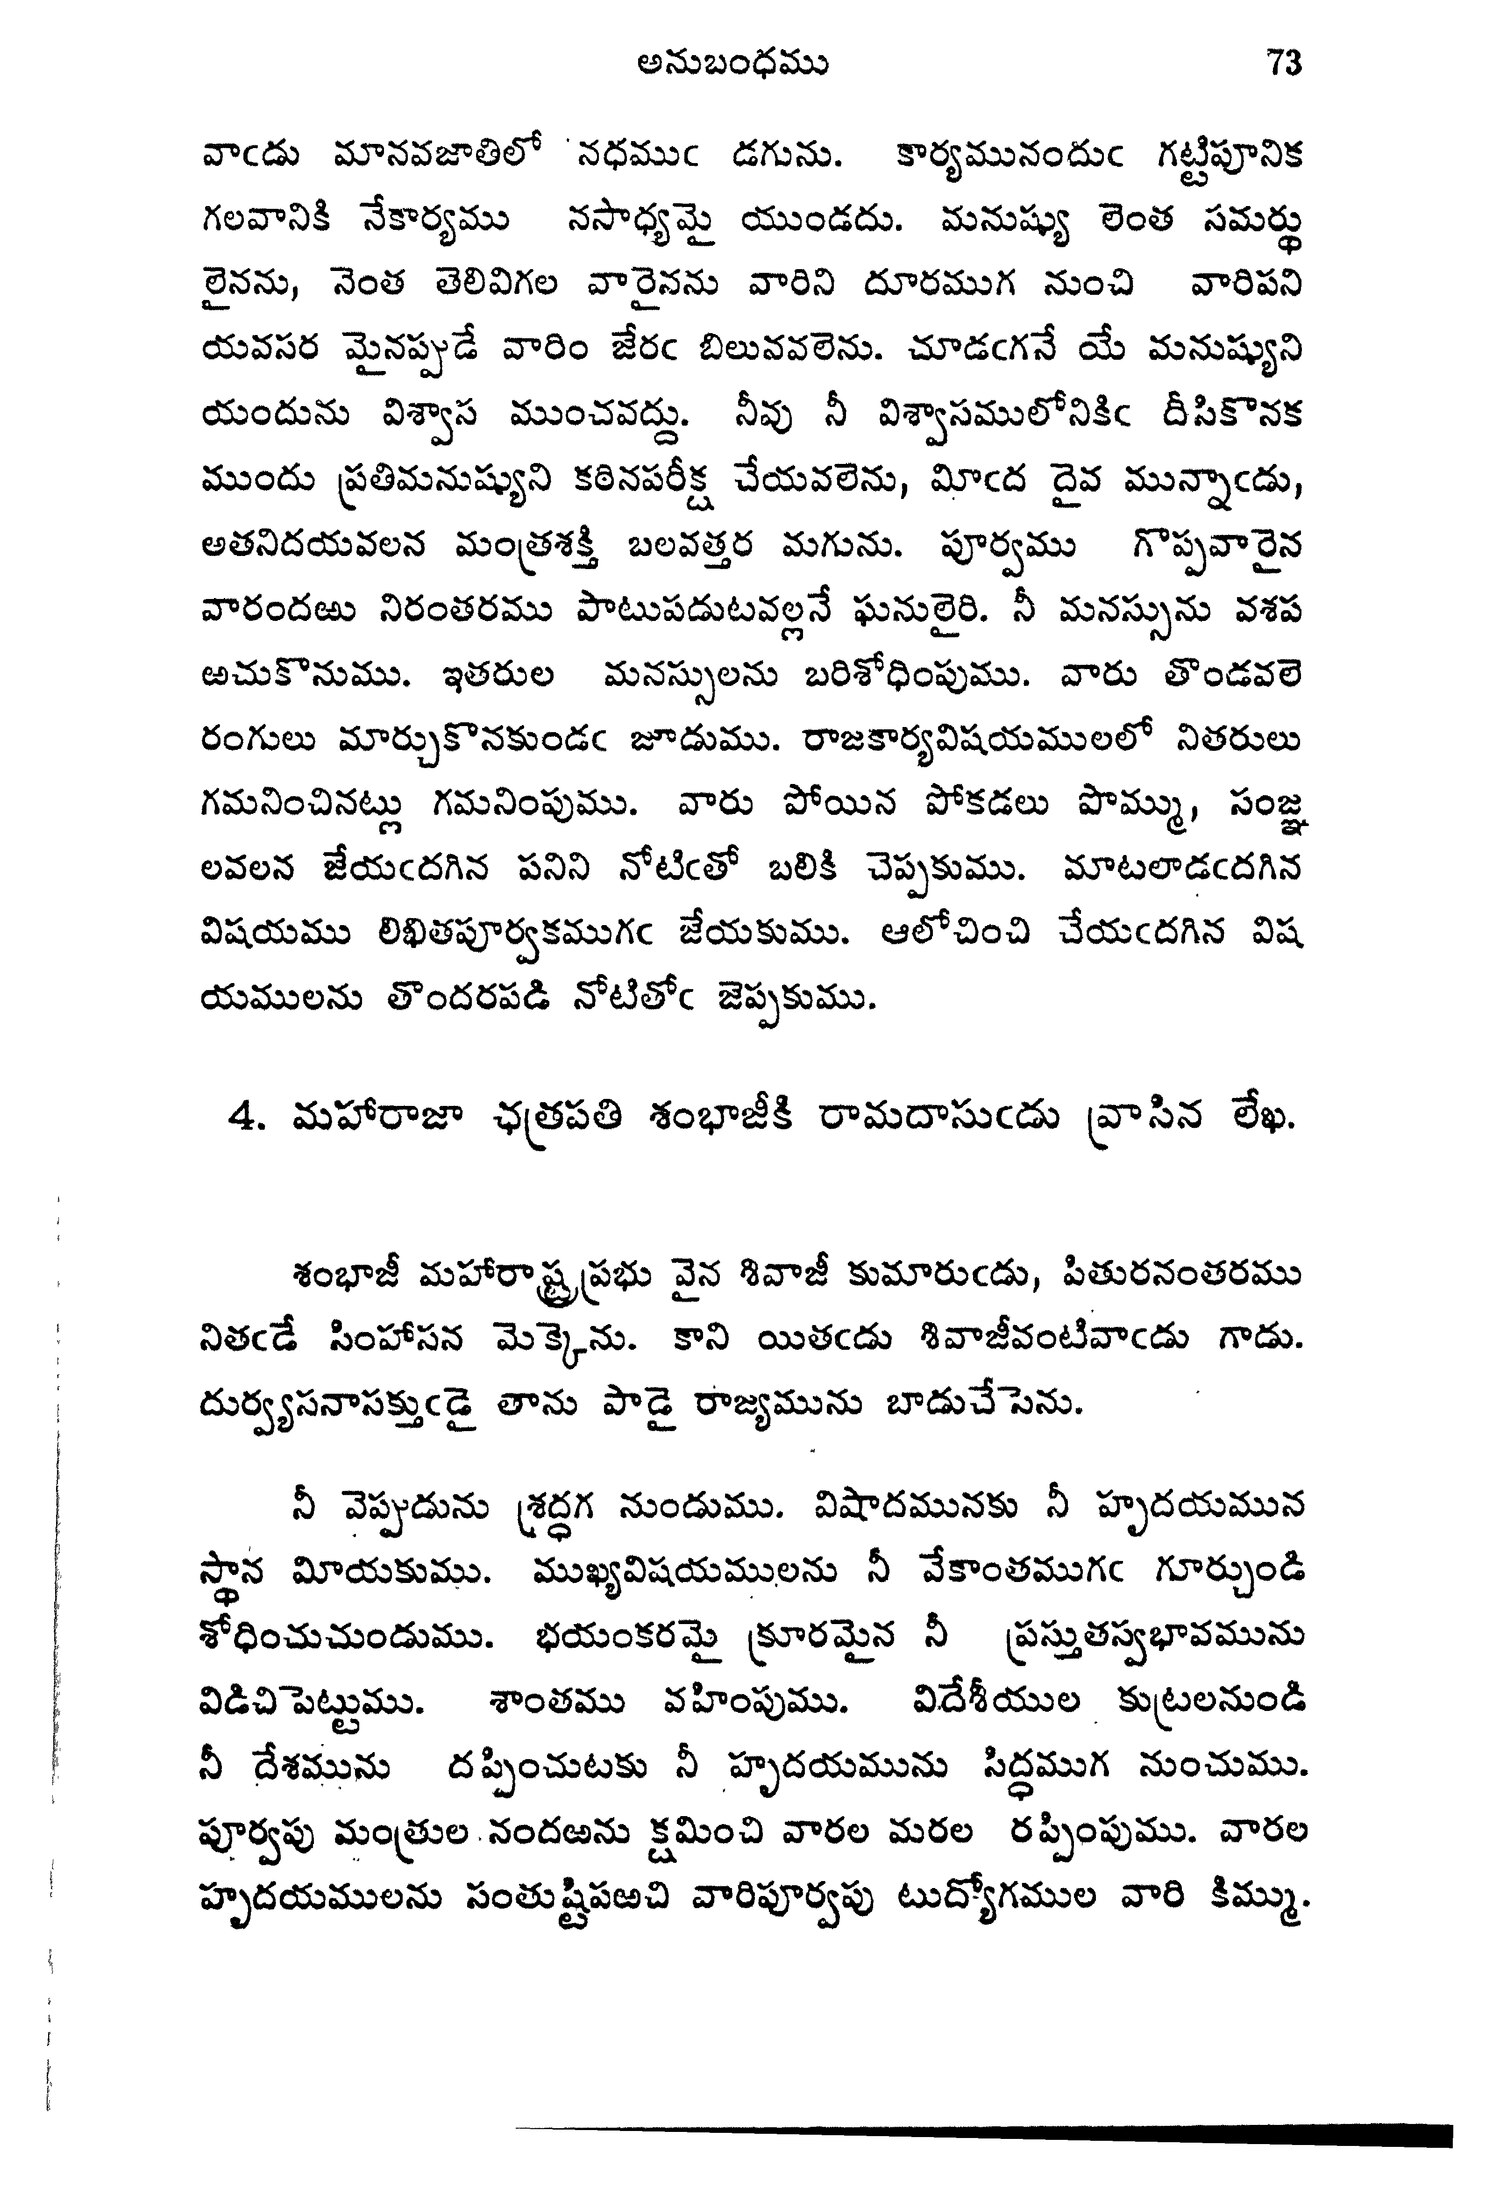వాడు మానవజాతిలో నధము డగును. కార్యమునందు గట్టిపూనిక గలవానికి నేకార్యము నసాధ్యమై యుండదు. మనుష్యు లెంత సమర్థులైనను, నెంత తెలివిగల వారైనను వారిని దూరముగ నుంచి వారిపని యవసర మైనప్పుడే వారిం జేర బిలువవలెను. చూడగనే యే మనుష్యుని యందును విశ్వాస ముంచవద్దు. నీవు నీ విశ్వాసములోనికి దీసికొనక ముందు ప్రతిమనుష్యుని కఠినపరీక్ష చేయవలెను, మీద దైవ మున్నాడు, అతనిదయవలన మంత్రశక్తి బలవత్తర మగును. పూర్వము గొప్పవారైన వారందఱు నిరంతరము పాటుపడుటవల్లనే ఘనులైరి. నీ మనస్సును వశపఱచుకొనుము. ఇతరుల మనస్సులను బరిశోధింపుము. వారు తొండవలె రంగులు మార్చుకొనకుండ జూడుము. రాజకార్యవిషయములలో నితరులు గమనించునట్లు గమనింపుము. వారు పోయిన పోకడలు పొమ్ము, సంజ్ఞలవలన జేయదగిన పనిని నోటితో బలికి చెప్పకుము. మాటలాడదగిన విషయము లిఖితపూర్వకముగ జేయకుము. ఆలోచించి చేయదగిన విషయములను తొందరపడి నోటితో జెప్పకుము.

శంభాజీ మహారాష్ట్రప్రభు వైన శివాజీ కుమారుడు, పితురనంతరము నితడే సింహాసన మెక్కెను. కాని యితడు శివాజీవంటివాడు గాడు. దుర్వ్యసనాసక్తుడై తాను పాడై రాజ్యమును బాడుచేసెను.

నీ వెప్పుడును శ్రద్ధగ నుండుము. విషాదమునకు నీ హృదయమున స్థాన మీయకుము. ముఖ్యవిషయములను నీ వేకాంతముగ గూర్చుండి శోధించుచుండుము. భయంకరమైన క్రూరమైన నీ ప్రస్తుతస్వభావమును విడిచిపెట్టుము. శాంతము వహింపుము. విదేశీయుల కుట్రలనుండి నీ దేశమును దప్పించుటకు నీ హృదయమును సిద్ధముగ నుంచుము. పూర్వపు మంత్రుల నందఱను క్షమించి వారల మరల రప్పించుము. వారల హృదయములను సంతుష్టిపఱచి వారిపూర్వపు టుద్యోగముల వారి కిమ్ము.